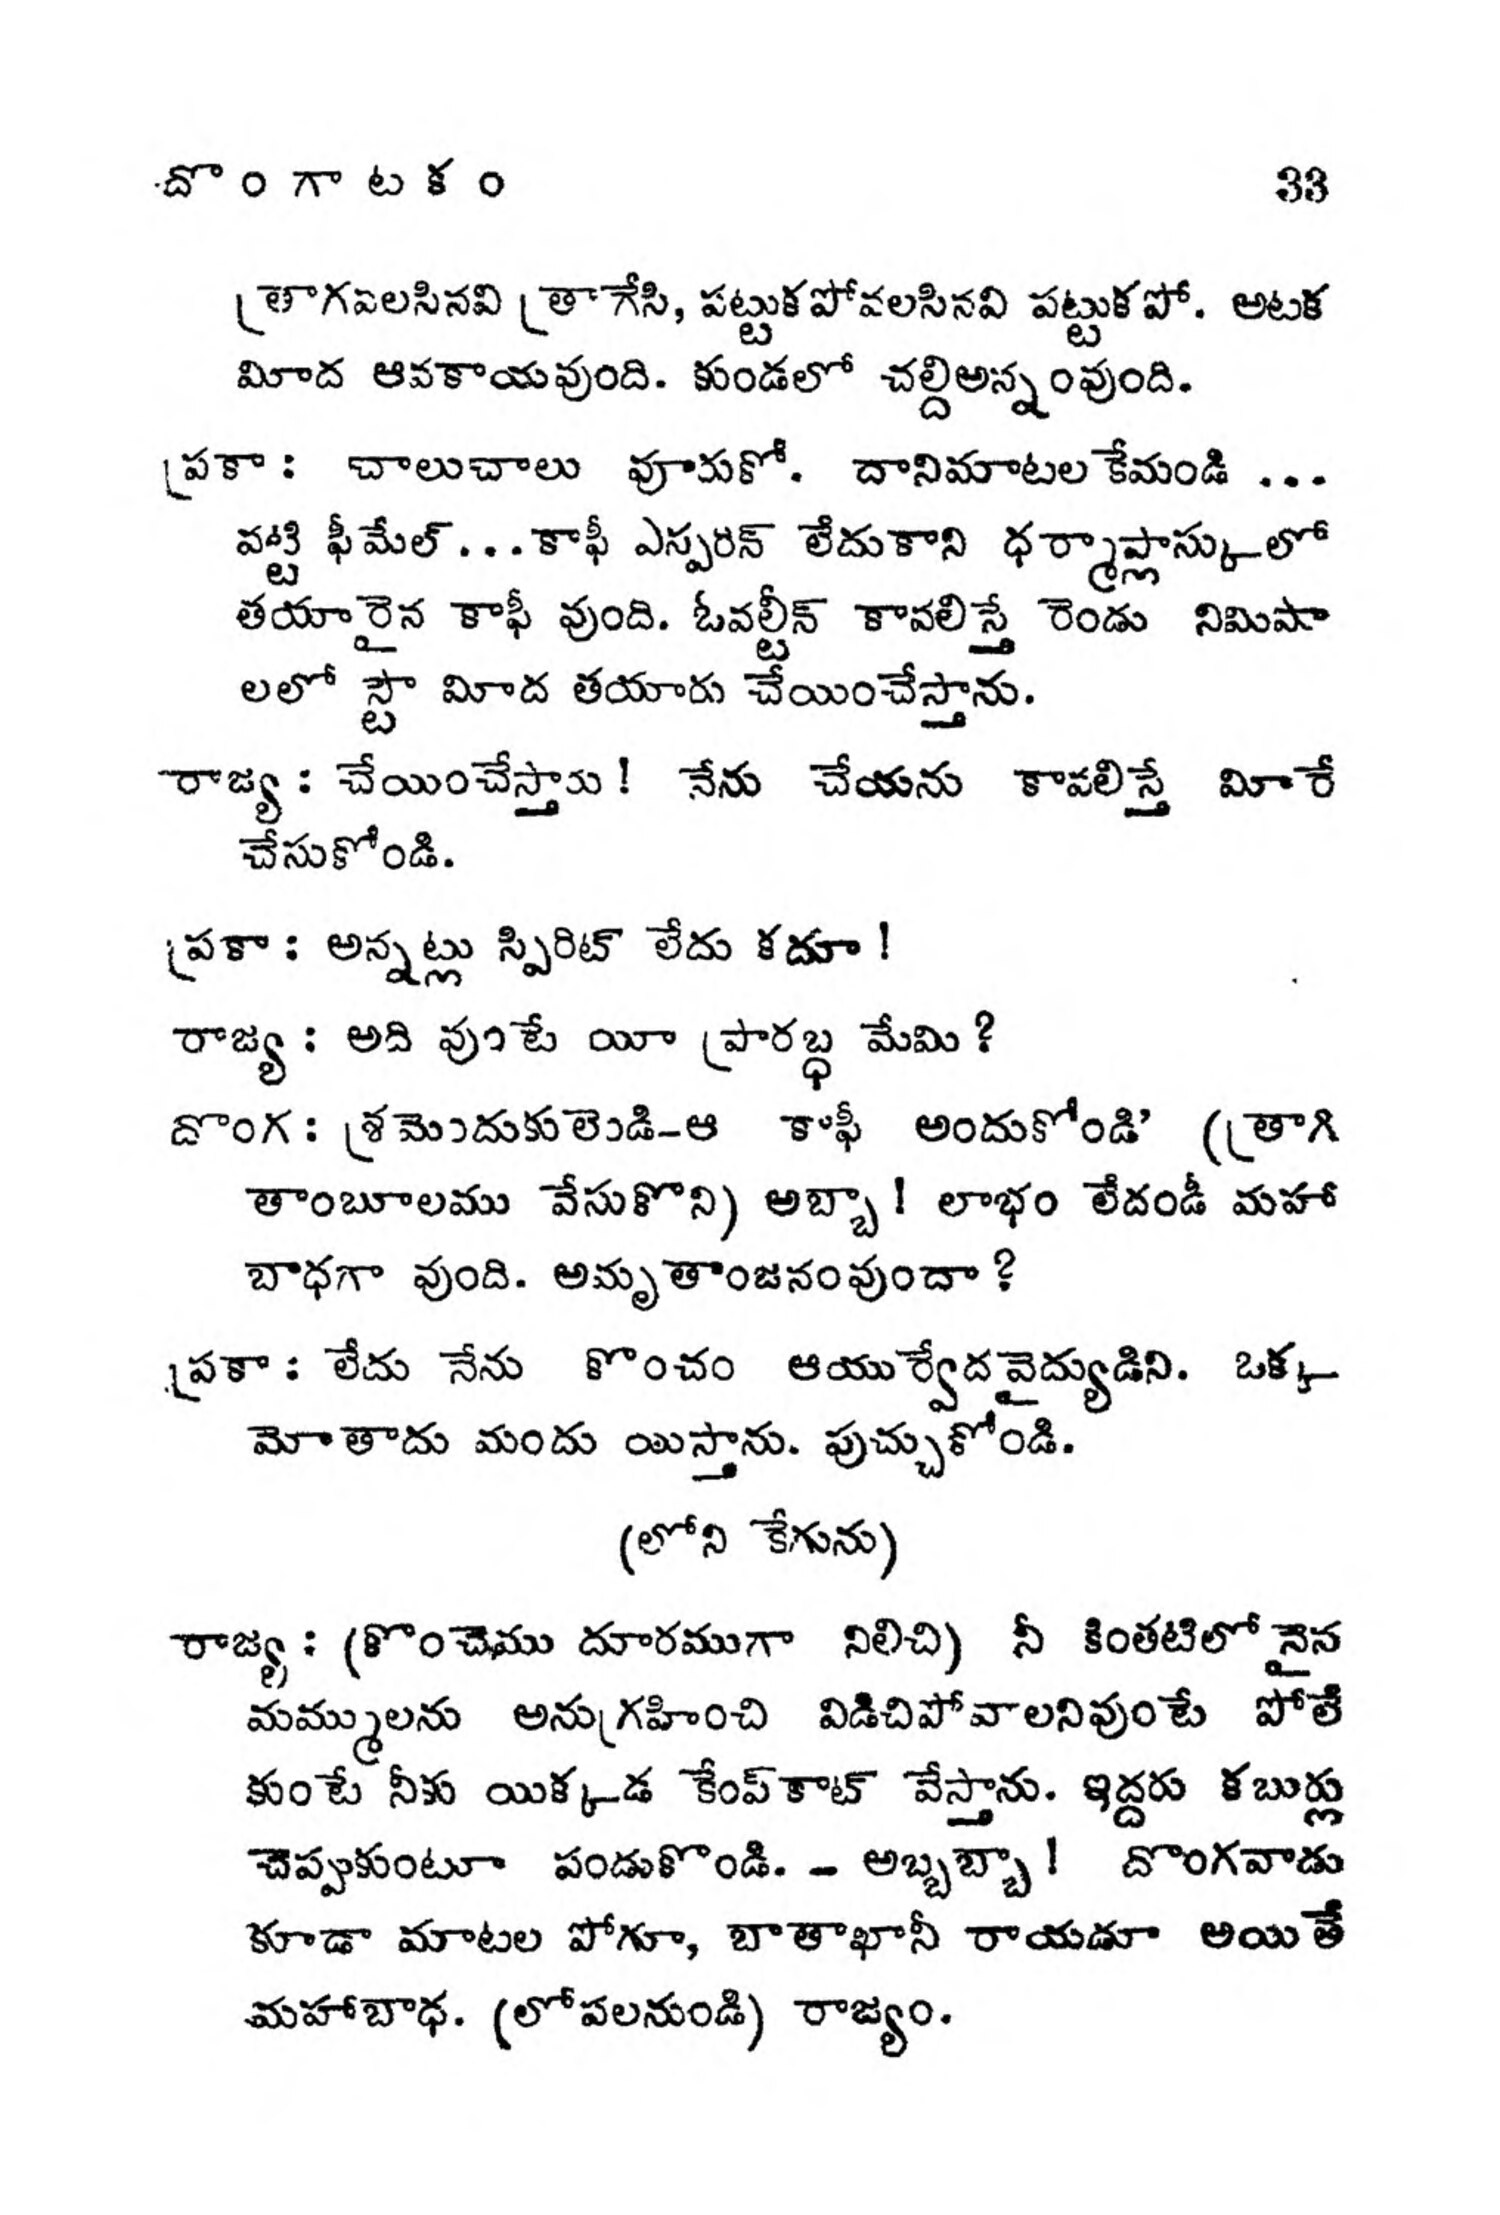త్రాగవలసినవి త్రాగేసి, పట్టుకపోవలసినవి పట్టుకపో. అటకమీద ఆవకాయవుంది. కుండలో చల్దిఅన్నంవుంది.

ప్రకా : చాలుచాలు వూరుకో. దానిమాటల కేమండి.... వట్టి ఫీమేల్... కాఫీ ఎస్పరిన్ లేదుకాని ధర్మాప్లాస్కులో
తయారైన కాఫీ వుంది. ఓవల్టీన్ కావలిస్తే రెండు నిమిషాలలో స్టౌ మీద తయారు చేయించేస్తాను.

రాజ్య : చేయించేస్తారు! నేను చేయను కావలిస్తే మీరే చేసుకోండి.

ప్రకా : అన్నట్లు స్పిరిట్ లేదు కదూ!

రాజ్య : అది వుంటే యీ ప్రారబ్ధ మేమి?

దొంగ : శ్రమెందుకులెండి-ఆ కాఫీ అందుకోండి' (త్రాగి తాంబూలము వేసుకొని) అబ్బా! లాభం లేదండీ మహా బాధగా వుంది. అమృతాంజనంవుందా ?

ప్రకా : లేదు నేను కొంచం ఆయుర్వేదవైద్యుడిని. ఒక్క మోతాదు మందు యిస్తాను. పుచ్చుకోండి.

రాజ్య : (కొంచెము దూరముగా నిలిచి) నీ కింతటిలో నైన మమ్ములను అనుగ్రహించి విడిచిపోవాలనివుంటే పోలే
కుంటే నీకు యిక్కడ కేంప్‌కాట్ వేస్తాను. ఇద్దరు కబుర్లు చెప్పుకుంటూ పండుకొండి. అబ్బబ్బా ! దొంగవాడు కూడా మాటల పోగూ, బాతాఖానీ రాయడూ అయితే మహాబాధ. (లోపలనుండి) రాజ్యం.